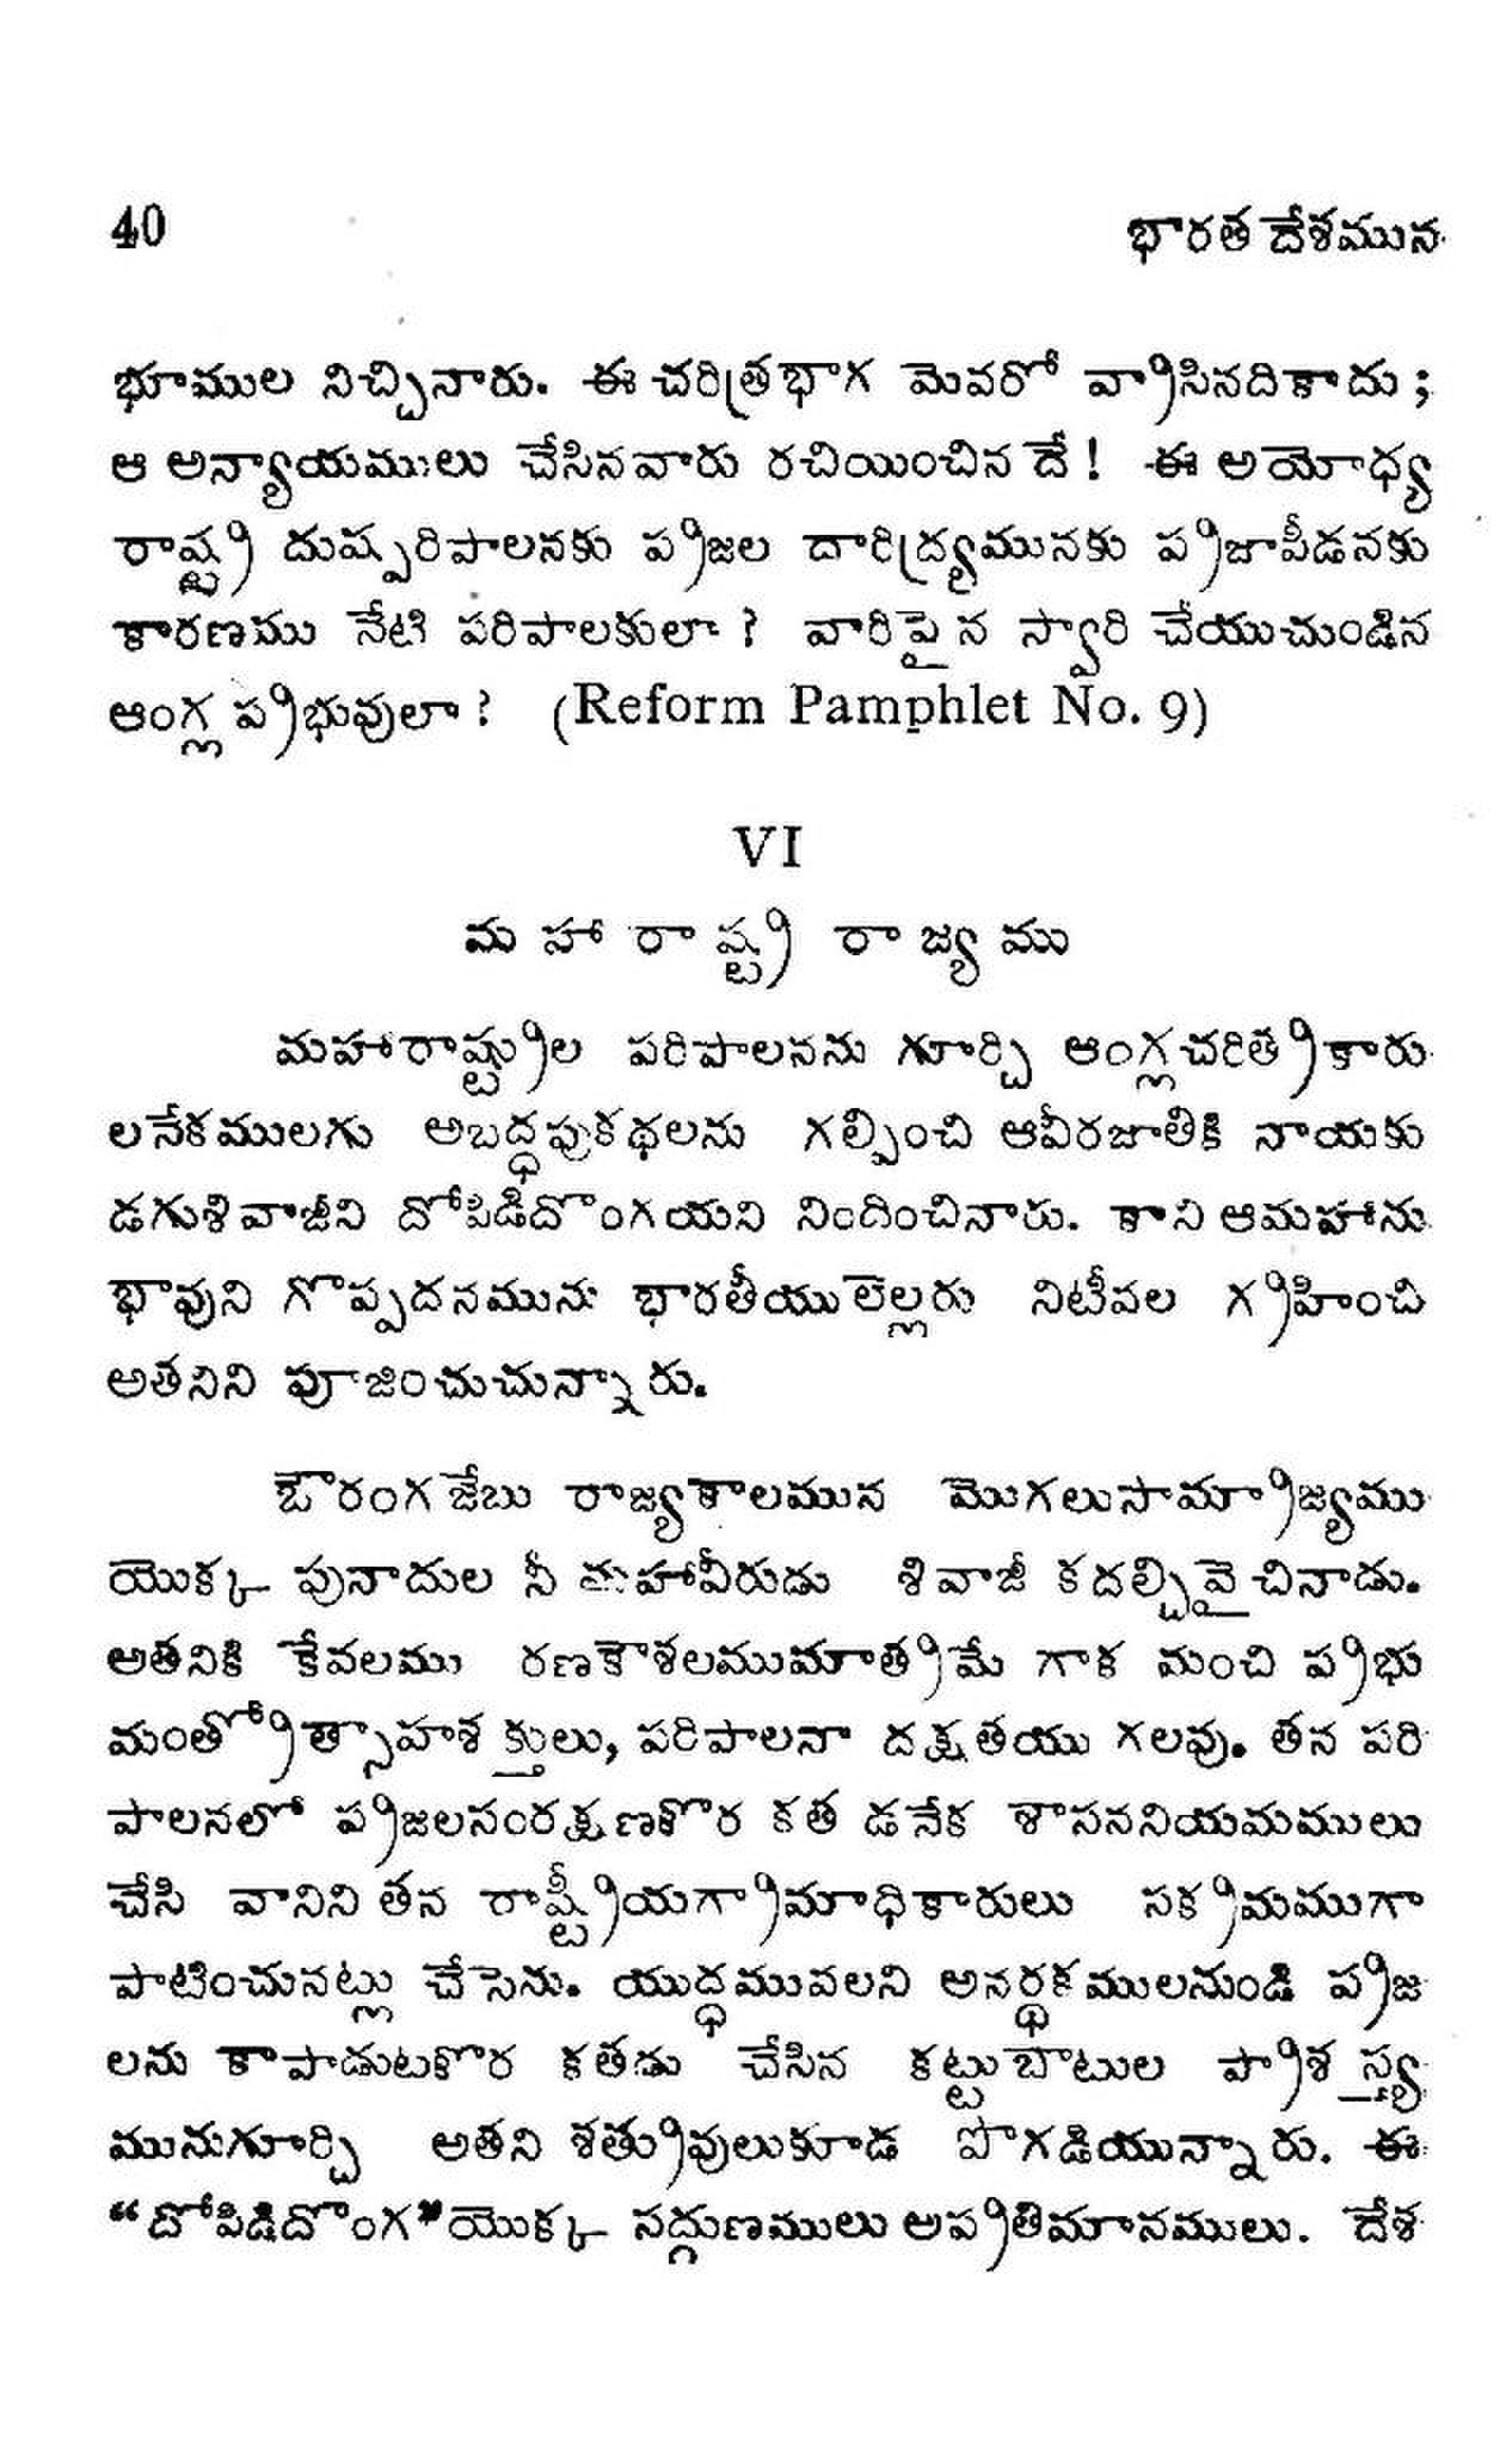భూముల నిచ్చినారు. ఈ చరిత్రభాగ మెవరో వ్రాసినది కాదు; ఆ అన్యాయములు చేసినవారు రచియించినదే! ఈ అయోధ్య రాష్ట్ర దుష్పరిపాలనకు ప్రజల దారిద్ర్యమునకు ప్రజాపీడనకు కారణము నేటి పరిపాలకులా ? వారిపైన స్వారి చేయుచుండిన ఆంగ్లప్రభువులా? (Reform Pamphlet No. 9)

VI 
మహారాష్ట్ర రాజ్యము 

మహారాష్ట్రుల పరిపాలనను గూర్చి ఆంగ్లచరిత్రకారు లనేకములగు అబద్దపుకథలను గల్పించి ఆవీరజాతికి నాయకుడగుశివాజీని దోపిడిదొంగయని నిందించినారు. కాని ఆమహానుభావుని గొప్పదనమును భారతీయులెల్లరు నిటీవల గహించి అతనిని పూజించుచున్నారు.

ఔరంగజేబు రాజ్యకాలమున మొగలుసామ్రాజ్యము యొక్క పునాదుల నీ మహావీరుడు శివాజీ కదల్చివైచినాడు. అతనికి కేవలము రణకౌశలముమాత్రమే గాక మంచి ప్రభు మంత్రోత్సాహశక్తులు, పరిపాలనా దక్షతయు గలవు. తన పరిపాలనలో ప్రజల సంరక్షణకొర కత డనేక శాసననియమములు చేసి వానిని తన రాష్ట్రీయగ్రామాధికారులు సక్రమముగా పాటించునట్లు చేసెను. యుద్దమువలని అనర్ధకములనుండి ప్రజలను కాపాడుటకొర కతడు చేసిన కట్టుబాటుల ప్రాశస్త్యమునుగూర్చి అతని శత్రువులుకూడ పొగడియున్నారు. ఈ “దోపిడిదొంగ" యొక్క సద్గుణములు అప్రతిమానములు. దేశ